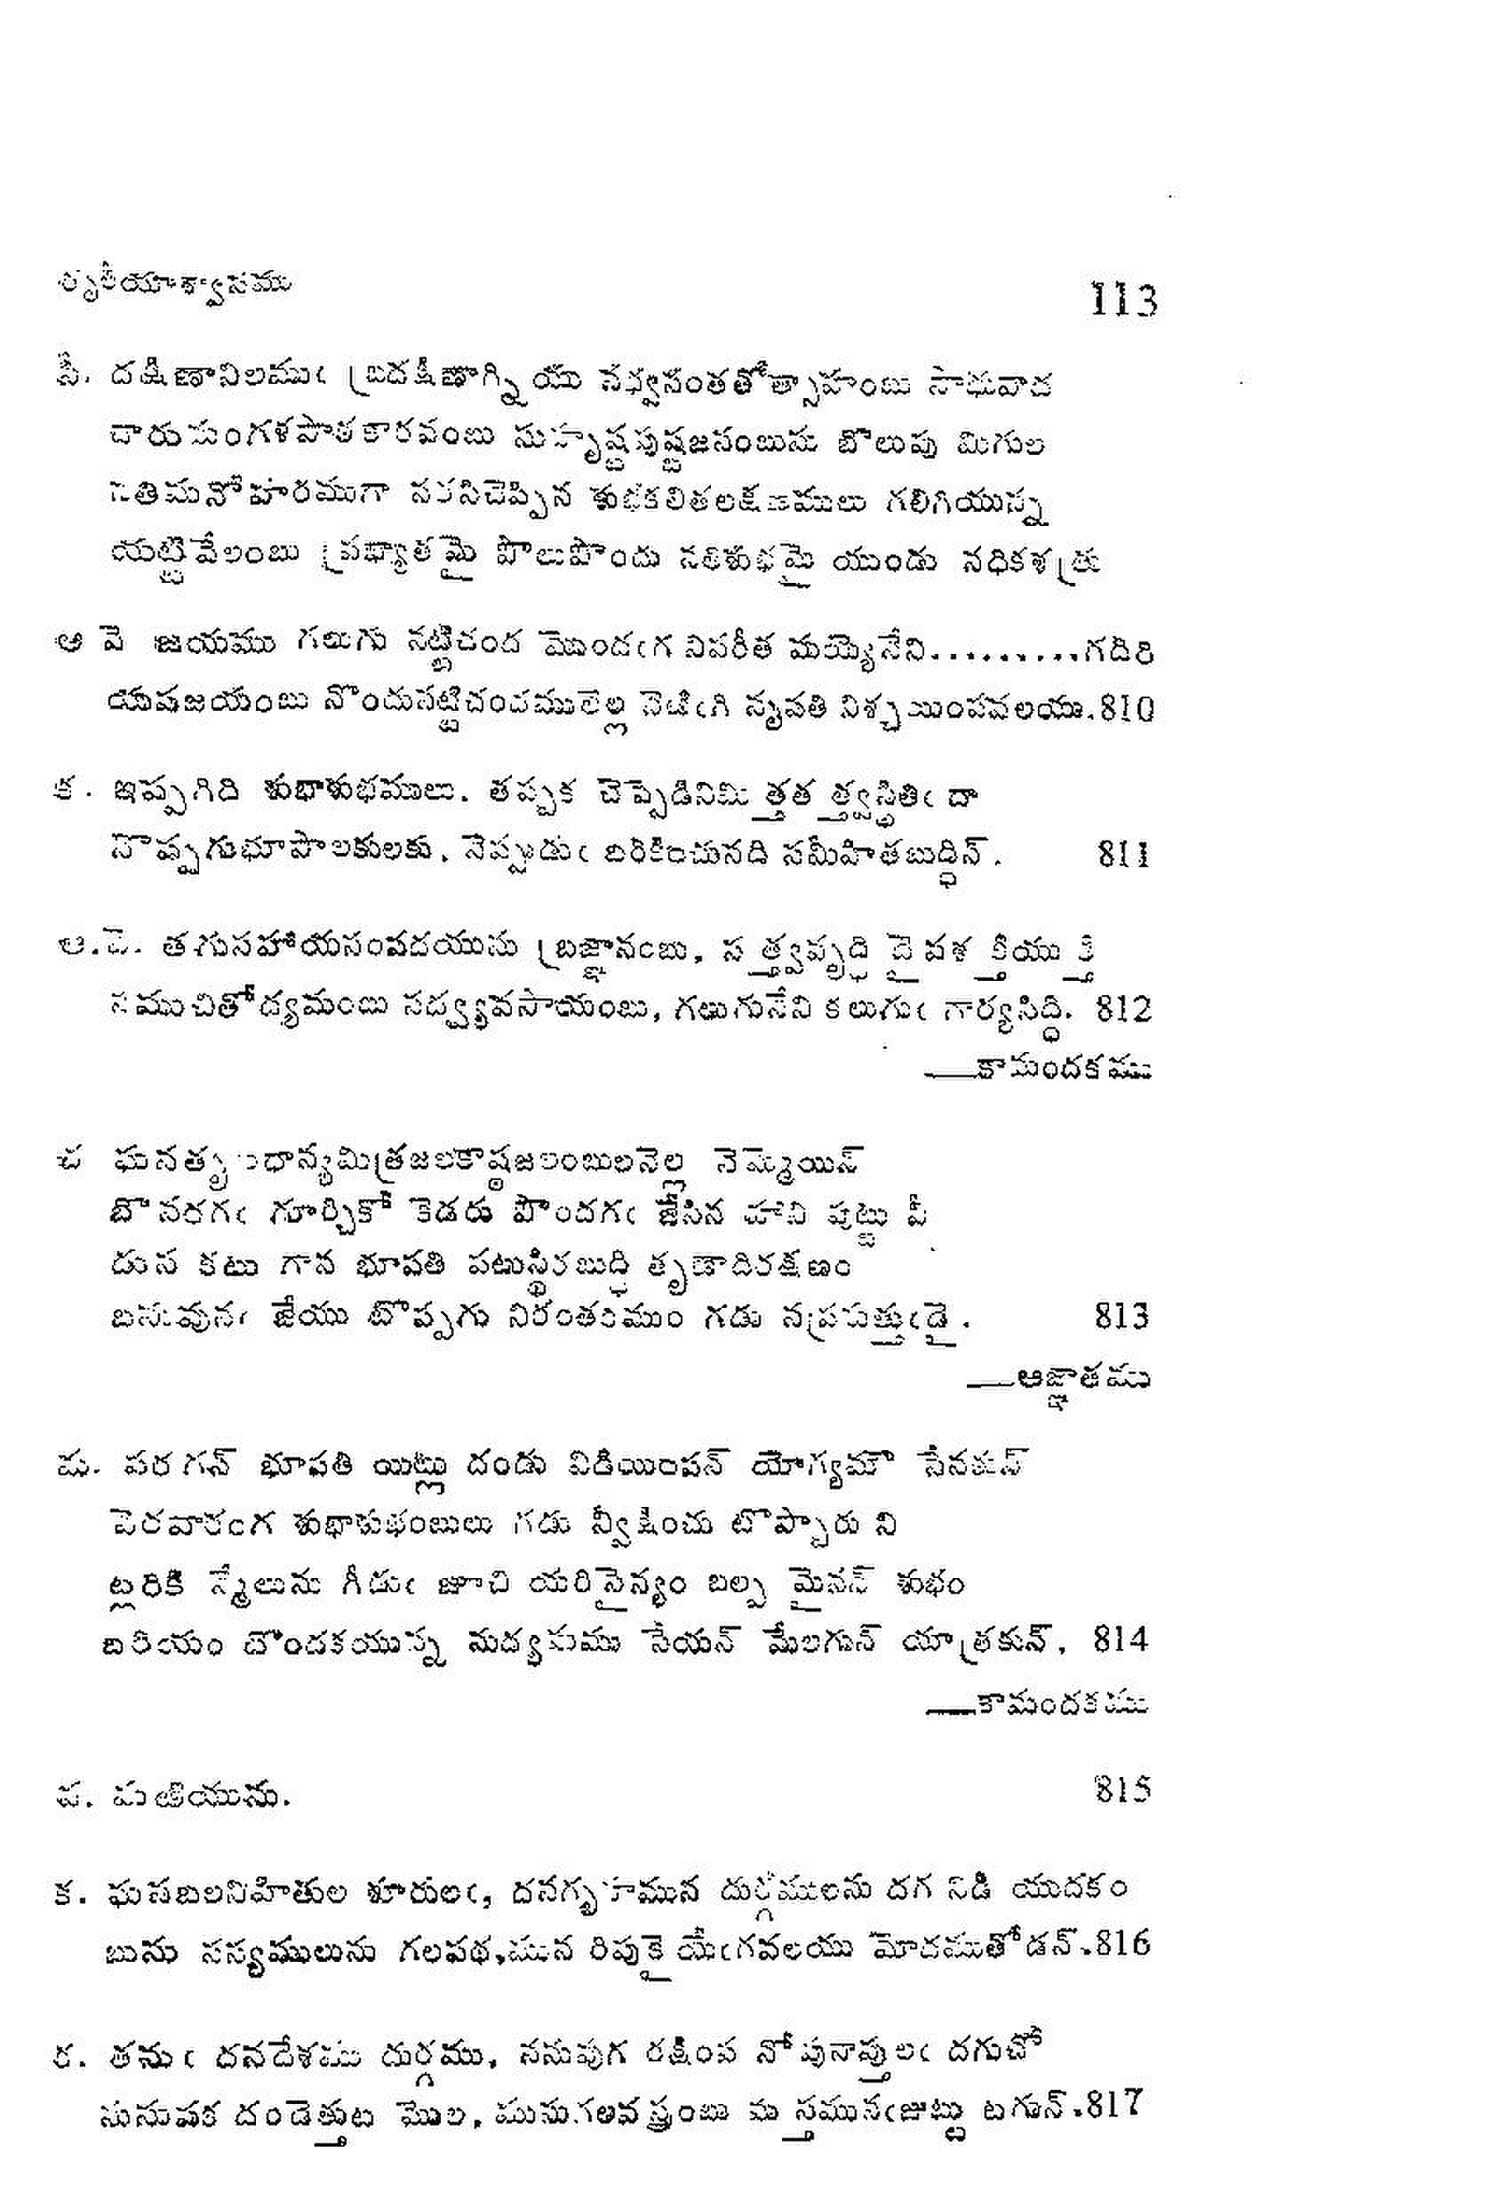సీ. దక్షిణానిలముఁ బ్రదక్షిణాగ్నియును నధ్వ
సంతతోత్సాహంబు సాధువాద
చారుమంగళపాఠకారవంబు సుహృష్ట
పుష్టజనంబును బొలుపు మిగుల
నతిమనోహరముగా నరసిచెప్పిన శుభ
కలితలక్షణములు గలిగియున్న
యట్టివేలంబు ప్రఖ్యాతమై పొలుపొందు
నతిశుభమై యుండు నధికశత్రు
ఆ. జయము గలుగు నట్టిచంద మొందఁగ
విపరీత మయ్యెనేని ............ గదిరి
యపజయంబు నొందునట్టి చందములెల్ల
నెఱిఁగి నృపతి నిశ్చయింపవలయు. 810

క. ఇప్పగిది శుభాశుభములు
తప్పక చెప్పెడినిమిత్తతత్త్వస్థితిఁ దా
నొప్పగు భూపాలకులకు
నెప్పుడుఁ బరికించునది సమీహితబుద్ధిన్. 811

ఆ. తగుసహాయసంపదయును బ్రజ్ఞానంబు
సత్త్వవృద్ధి దైవశక్తియుక్తి
సముచితోద్యమంబు సద్వ్యవసాయంబు
గలుగునేని కలుగుఁ గార్యసిద్ధి. 812

చ. ఘనతృణధాన్యమిత్రజలకాష్ఠజలంబులనెల్ల నెమ్మెయిన్
బొనరగఁ గూర్చికో కెడరు పొందగఁ జేసిన హాని పుట్టు వీ
డున కటు గాన భూపతి పటుస్థిరబుద్ధి తృణాదిరక్షణం
బనువునఁ జేయు టొప్పగు నిరంతరముం గడు నప్రమత్తుఁడై. 813

మ. పరగన్ భూపతి యిట్లు దండు విడియింపన్ యోగ్యమౌ సేనకున్
వెరవారంగ శుభాశుభంబులు గడు న్వీక్షించు టొప్పారు ని
ట్లరికి న్మేలును గీడుఁ జూచి యరిసైన్యం బల్పమైనన్ శుభం
బరియం దొందకయున్న నుద్యమము సేయన్ మేలగున్ యాత్రకున్. 814

వ. మఱియును. 815

క. ఘనబలనిహితుల శూరులఁ
దనగృహమున దుర్గములను దగ నిడి యుదకం
బును సస్యములును గలపథ
మున రిపుకై యేఁగవలయు మోదముతోడన్. 816

క. తనుఁ దనదేశము దుర్గము
ననువుగ రక్షింప నోపునాప్తులఁ దగుచో
నునుపక దండెత్తుట మొల
మునుగలవస్త్రంబు మస్తమునఁ జుట్టు టగున్. 817